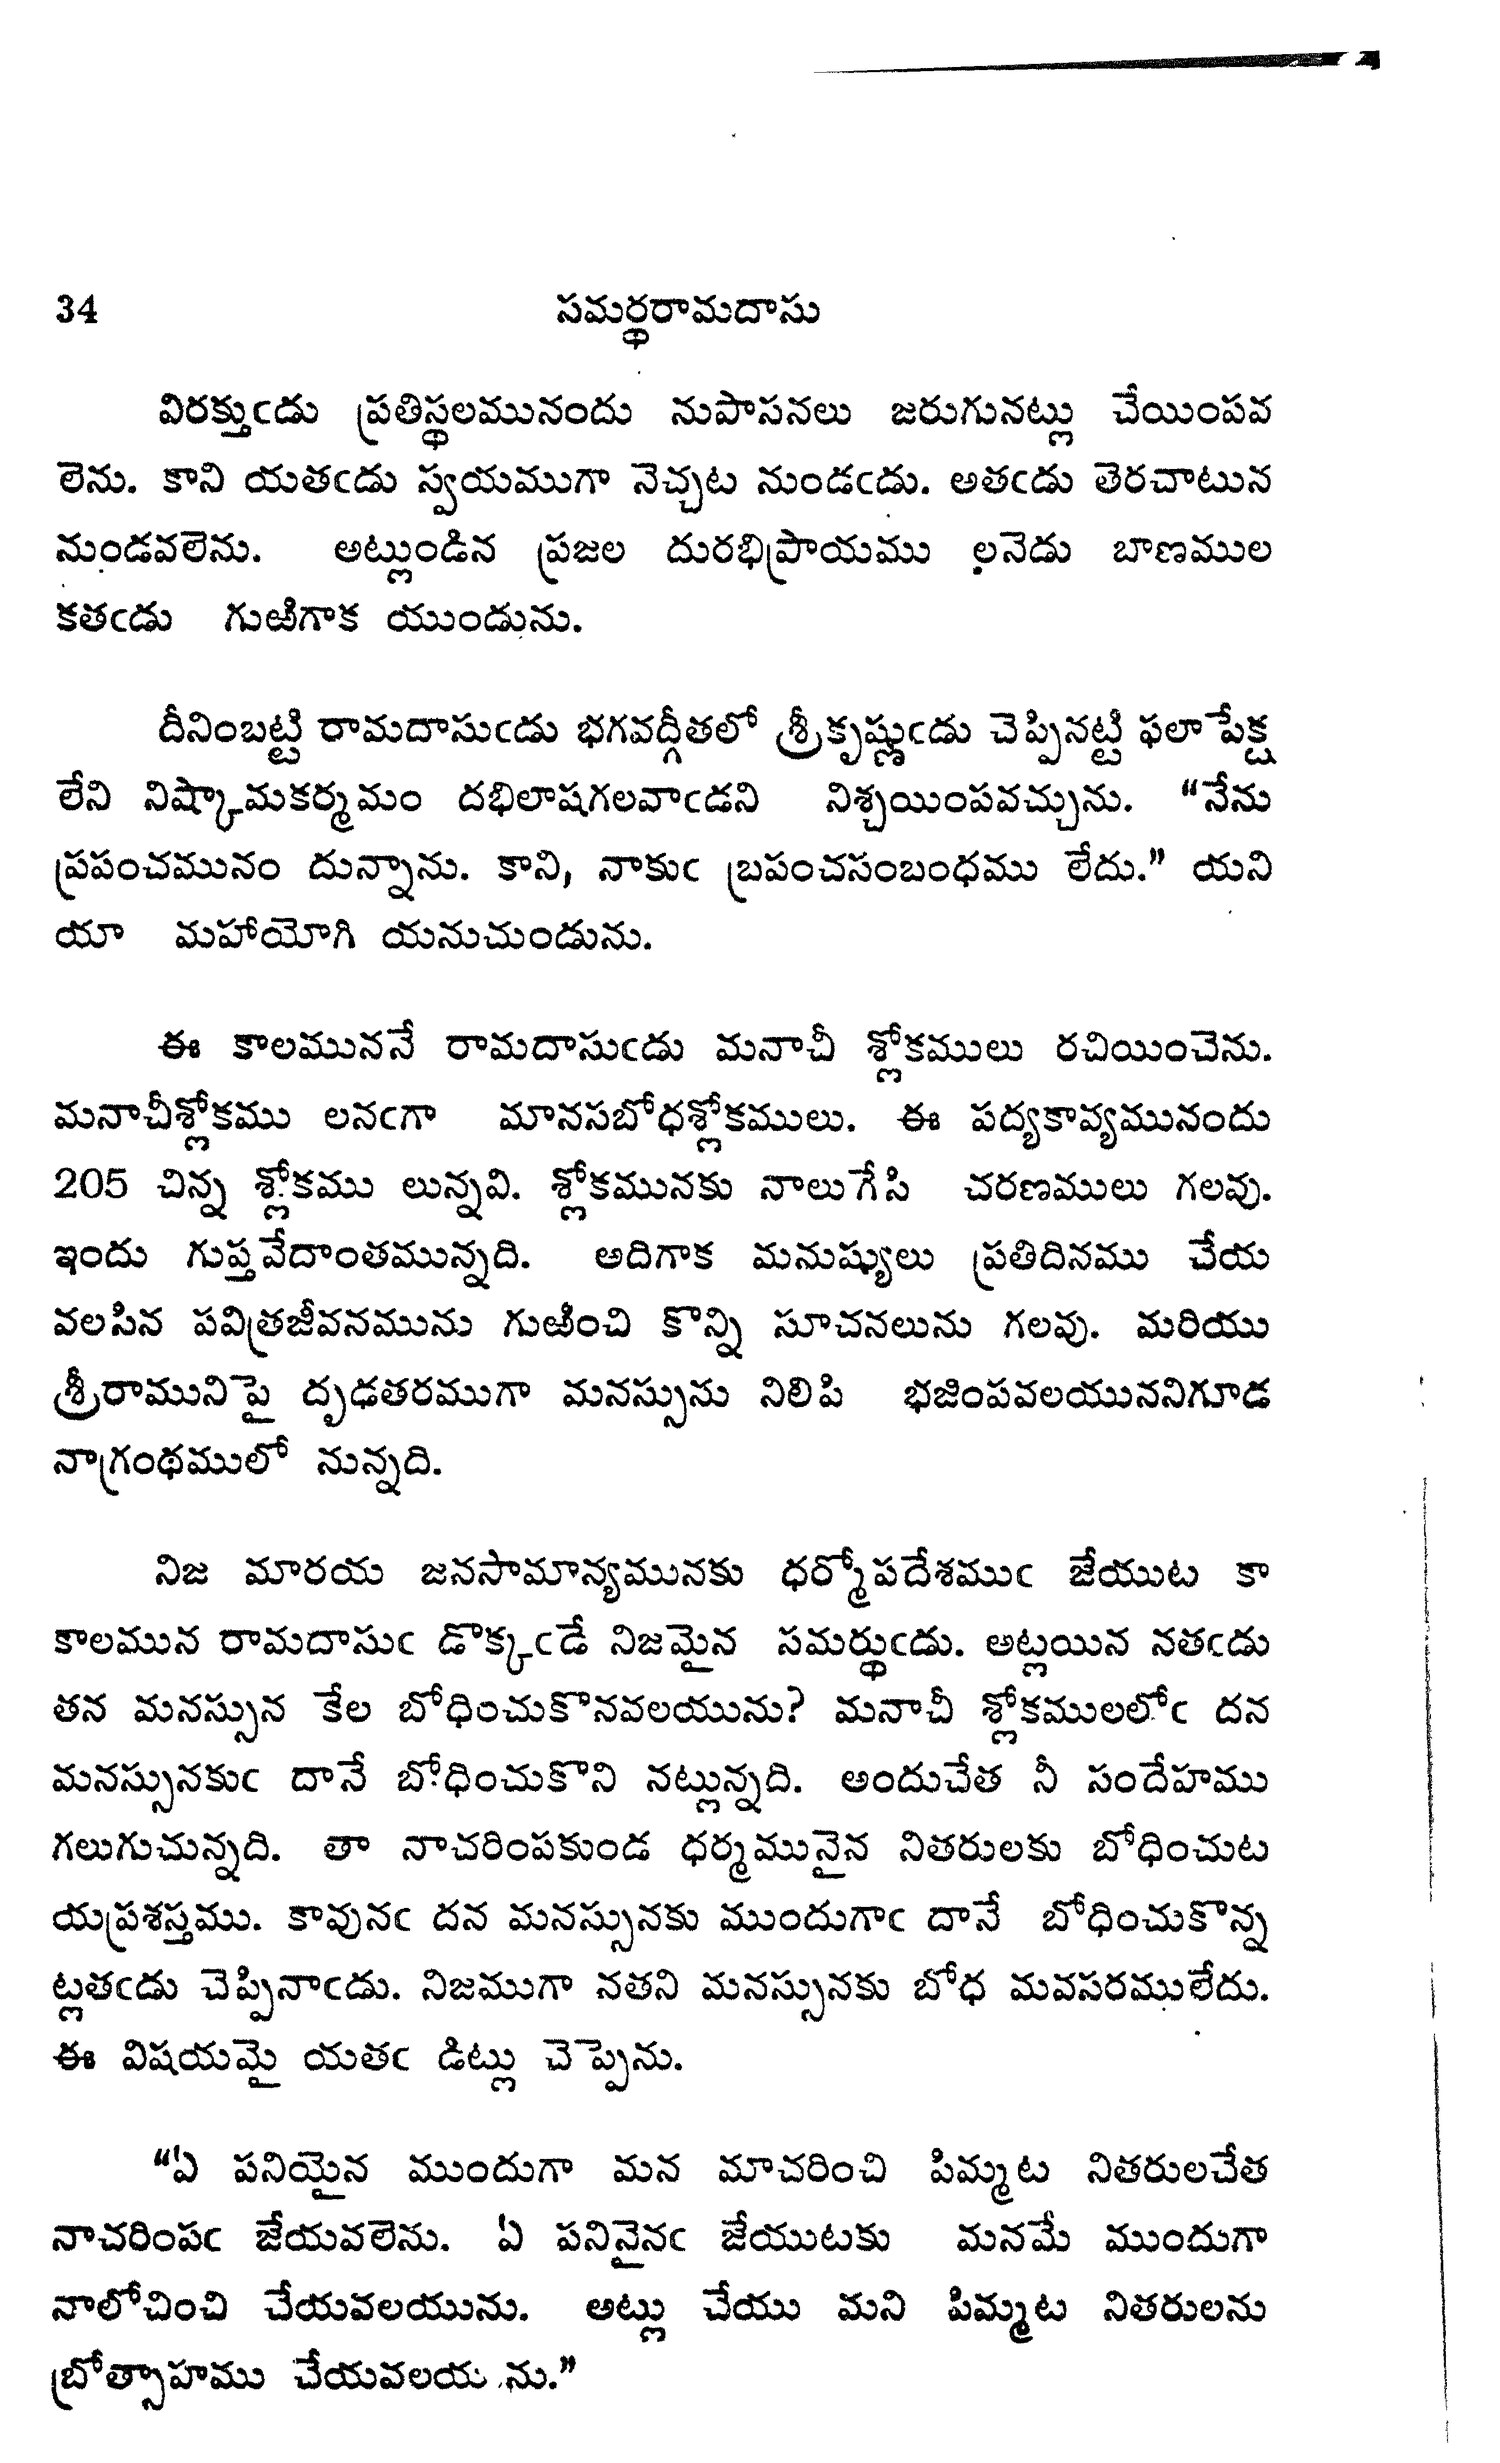విరక్తుడు ప్రతిస్థలమునందు నుపాసనలు జరుగునట్లు చేయింపవలెను. కాని యతడు స్వయముగా నెచ్చట నుండడు. అతడు తెరచాటున నుండవలెను. అట్లుండిన ప్రజల దురభిప్రాయము లనెడు బాణముల కతడు గుఱిగాక యుండును.

దీనింబట్టి రామదాసుడు భగవద్గీతలో శ్రీకృష్ణుడు చెప్పినట్టి ఫలాపేక్ష లేని నిష్కామకర్మమం దభిలాషగలవాడని నిశ్చయింపవచ్చును. "నేను ప్రపంచమునం దున్నాను. కాని, నాకు బ్రపంచసంబంధము లేదు." యని యా మహాయోగి యను చుండును.

ఈ కాలముననే రామదాసుడు మనాచీ శ్లోకములు రచియించెను. మనాచీశ్లోకము లనగా మానసబోధశ్లోకములు. ఈ పద్యకావ్యమునందు 205 చిన్న శ్లోకము లున్నవి. శ్లోకమునకు నాలుగేసి చరణములు గలవు. ఇందు గుప్తవేదాంతమున్నది. అదిగాక మనుష్యులు ప్రతిదినము చేయవలసిన పవిత్రజీవనమును గుఱించి కొన్ని సూచనలును గలవు. మరియు శ్రీరామునిపై దృడతరముగా మనస్సును నిలిపి భజింపవలయుననిగూడ నాగ్రంథములో నున్నది.

నిజ మారయ జనసామాన్యమునకు ధర్మోపదేశము జేయుట కా కాలమున రామదాసు డొక్కడే నిజమైన సమర్థుడు. అట్లయిన నతడు తన మనస్సున కేల బోధించుకొనవలయును? మనాచీ శ్లోకములలో దన మనస్సునకు దానే బోధించుకొని నట్లున్నది. అందుచేత నీ సందేహము గలుగుచున్నది. తా నాచరింపకుండ ధర్మమునైన నితరులకు బోధించుట యప్రశస్తము. కావున దన మనస్సునకు ముందుగా దానే బోధించుకొన్నట్లతడు చెప్పినాడు. నిజముగా నతని మనస్సునకు బోధ మవసరములేదు. ఈ విషయమై యత డిట్లు చెప్పెను.

"ఏ పనియైన ముందుగా మన మాచరించి పిమ్మట నితరులచేత నాచరింప జేయవలెను. ఏ పనినైన జేయుటకు మనమే ముందుగా నాలోచించి చేయవలయును. అట్లు చేయు మని పిమ్మట నితరులను బ్రోత్సాహము చేయవలయును."